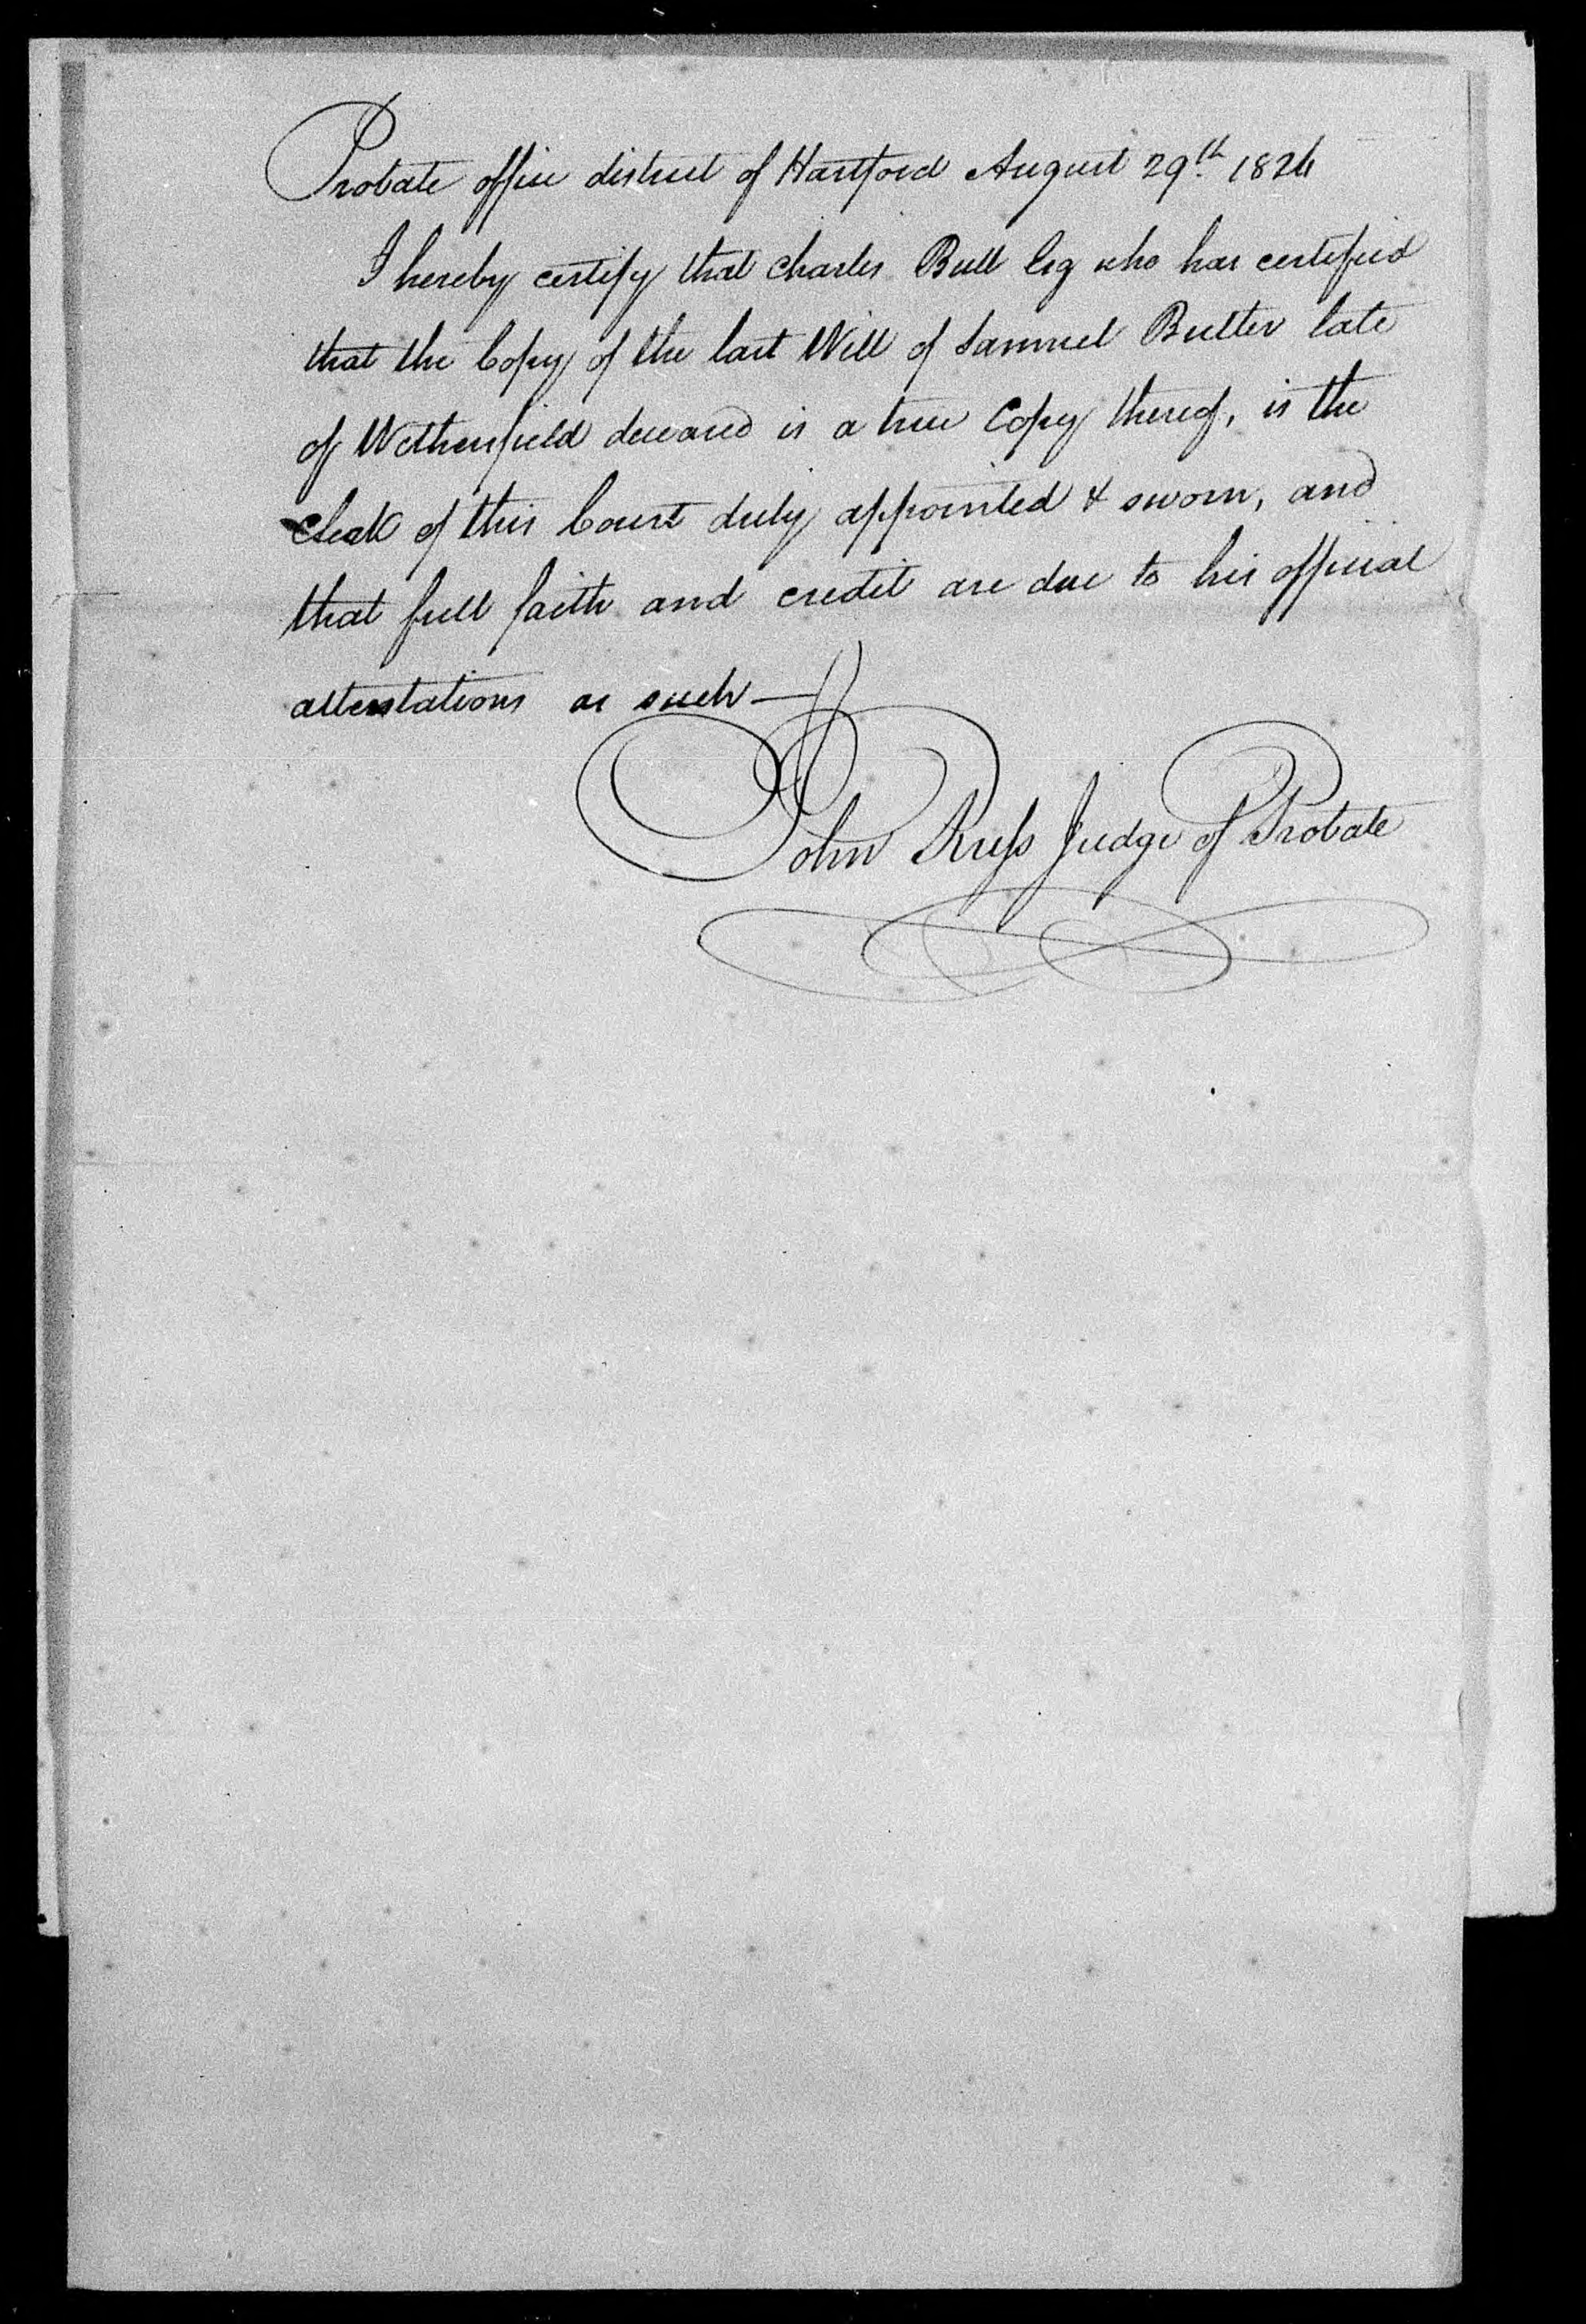Probate office district of Hartford August 29th 1826
I hereby certify that Charles Bull Esq who has certified that the copy of the last Will of Samuel Butler late of Wethersfield deceased is a true copy thereof, is the clerk of this Court duly appointed & sworn, and that full faith and credit are due to his official attestations as such -
John Russ Judge of Probate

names: Samuel Butler, John Russ, Charles Bull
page: 11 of 46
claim: survivor's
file: S. 36,556, Ichabod Goodrich, Conn.